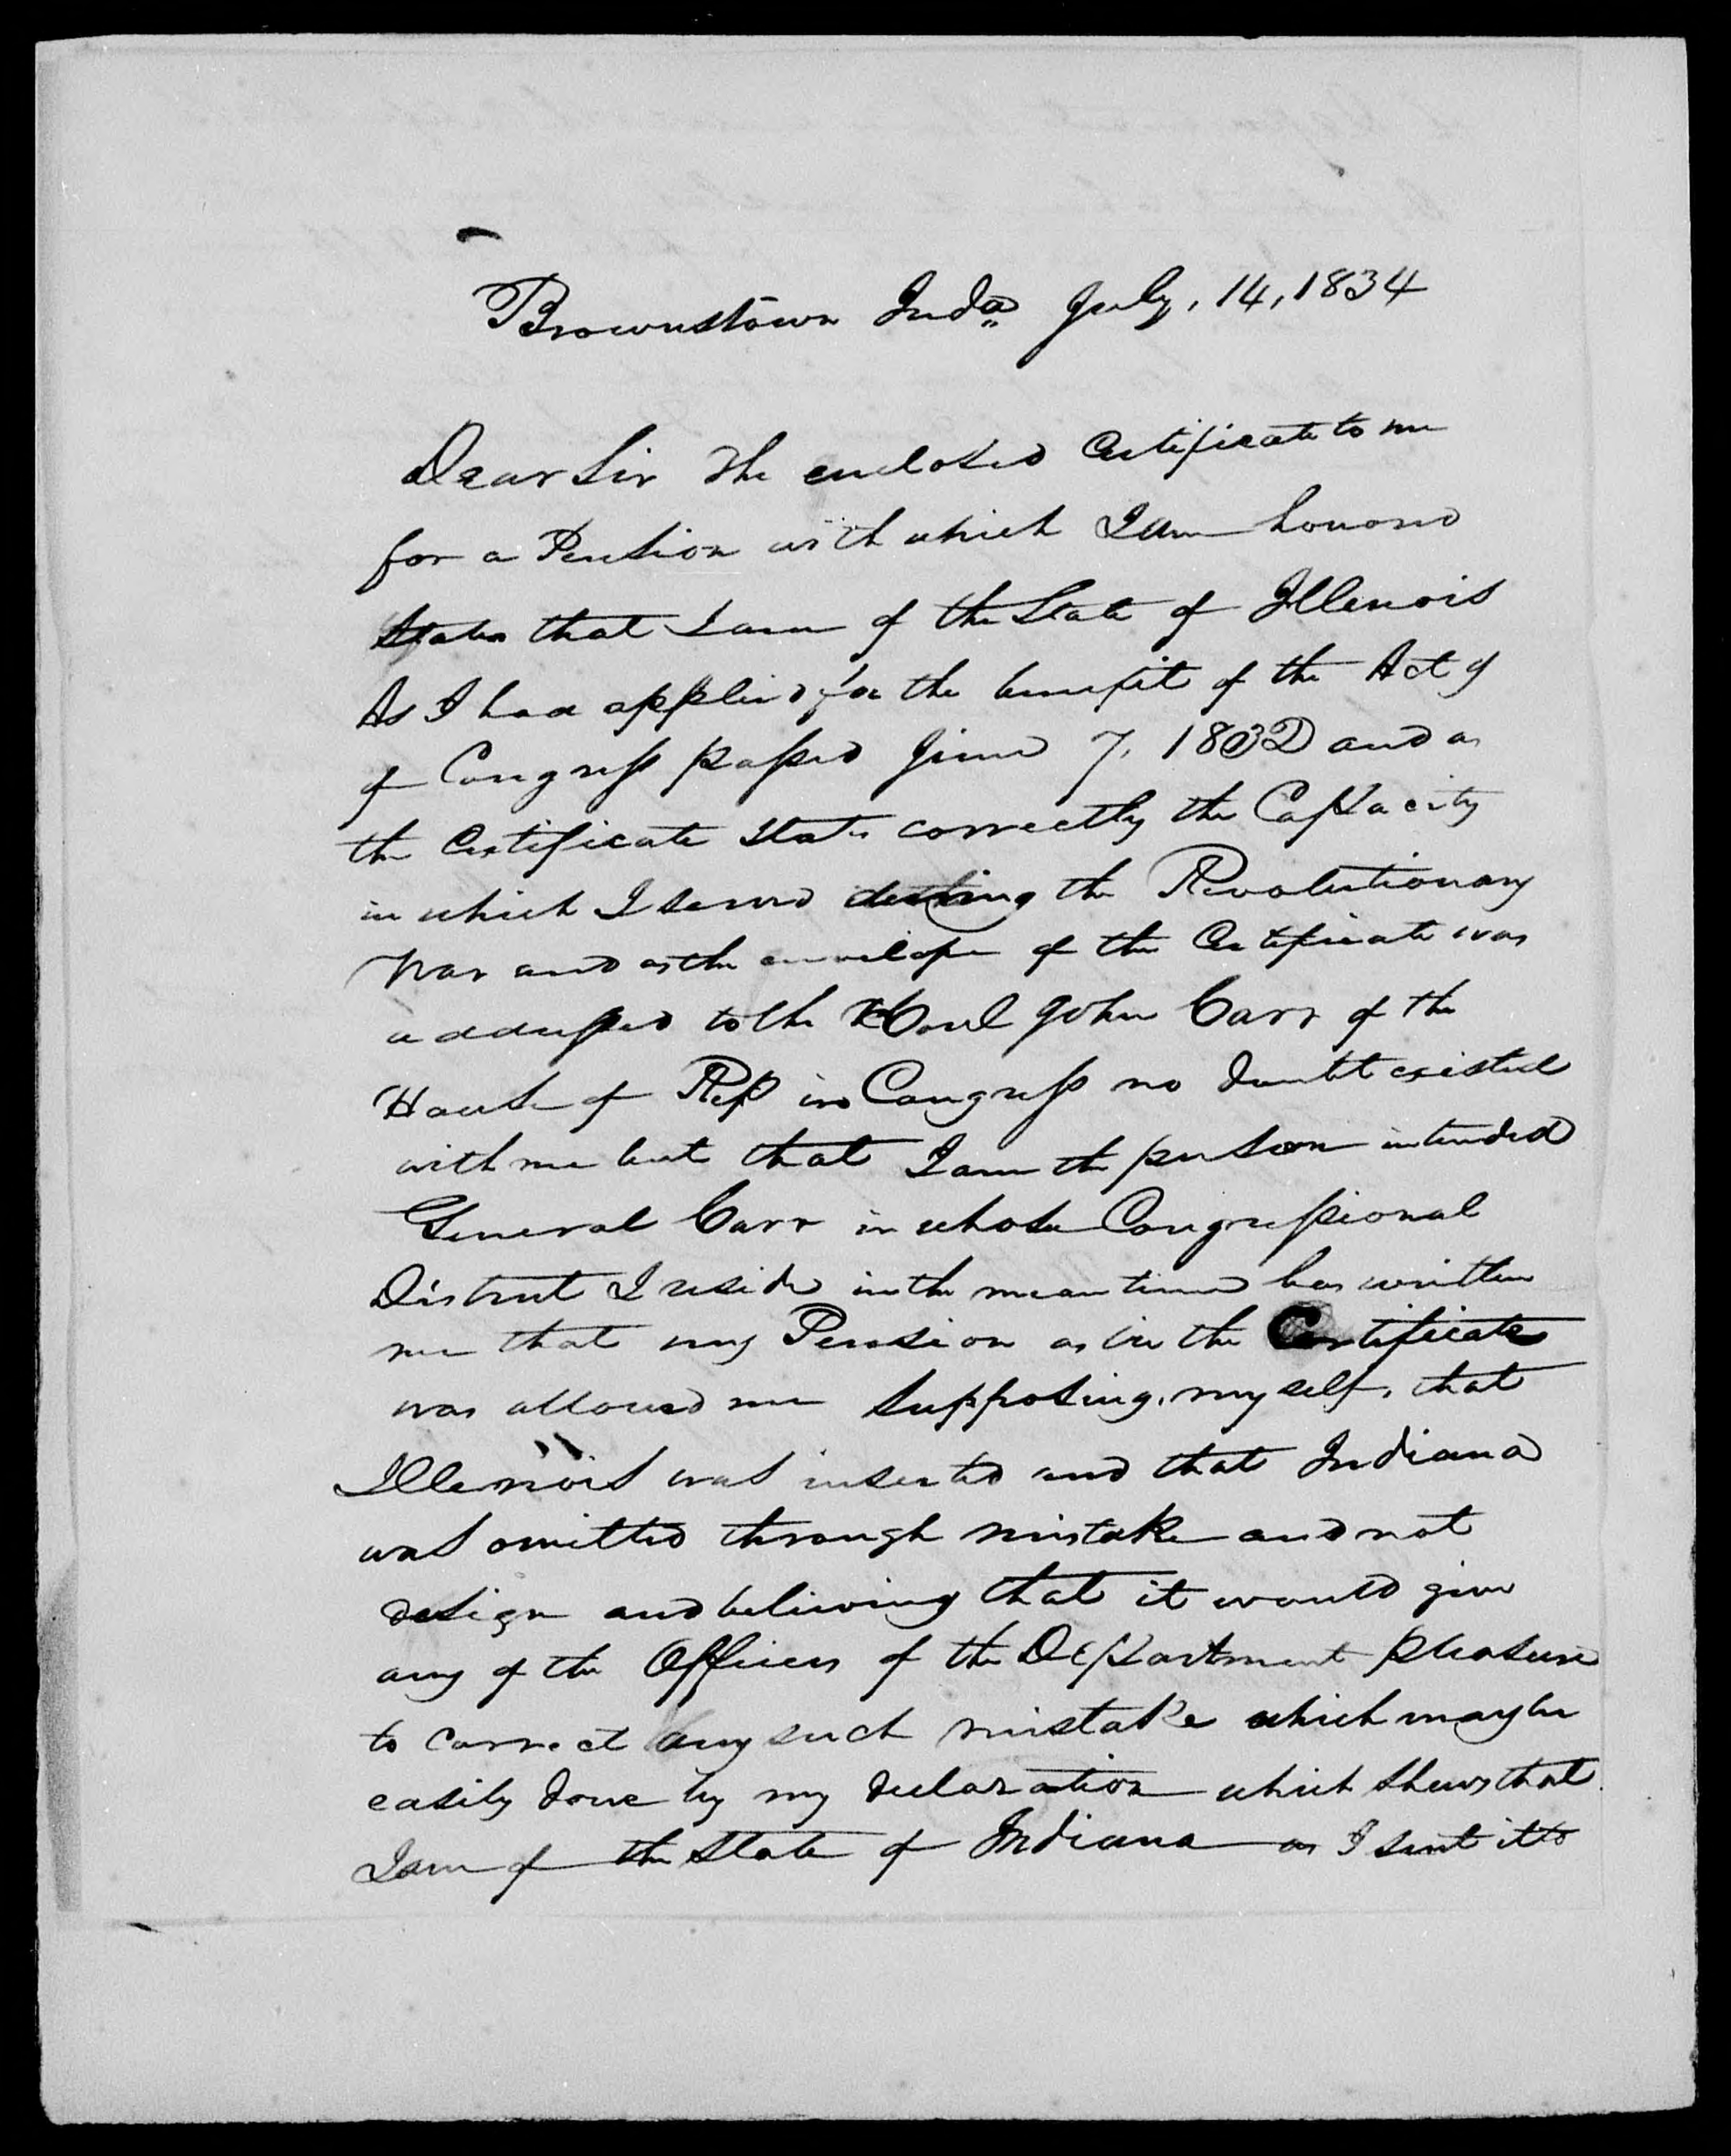Brownstown Inda July 14, 1834
Dear Sir the enclosed certificate to me
for a Pension with which I am honored
States that I am of the State of Illinois
As I had applied for the benefit of the Act of
of Congress passed June 7, 1832 and as
the certificate state correctly the capacity
in which I served during the Revolutionary War
and as the envelope of the certificate was
addressed to the Honl John Carr of the
House of Rep in Congress no doubt existed
with me but that I am the person intended
General Carr in whose congressional
District I reside in the mean time has written
me that my pension as in the Certificate
was allowed me supposing myself, that
Illinois was inserted and that Indiana
was omitted through mistake and not
design and believing that it would give
any of the Officers of the Department pleasure
to correct any such mistake which may be
easily done by my declaration which shows that I am of the State of Indiana as I sent it to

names: Carr, John Carr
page: 33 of 36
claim: survivor's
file: S. 31,718, James Guffey, Penn.